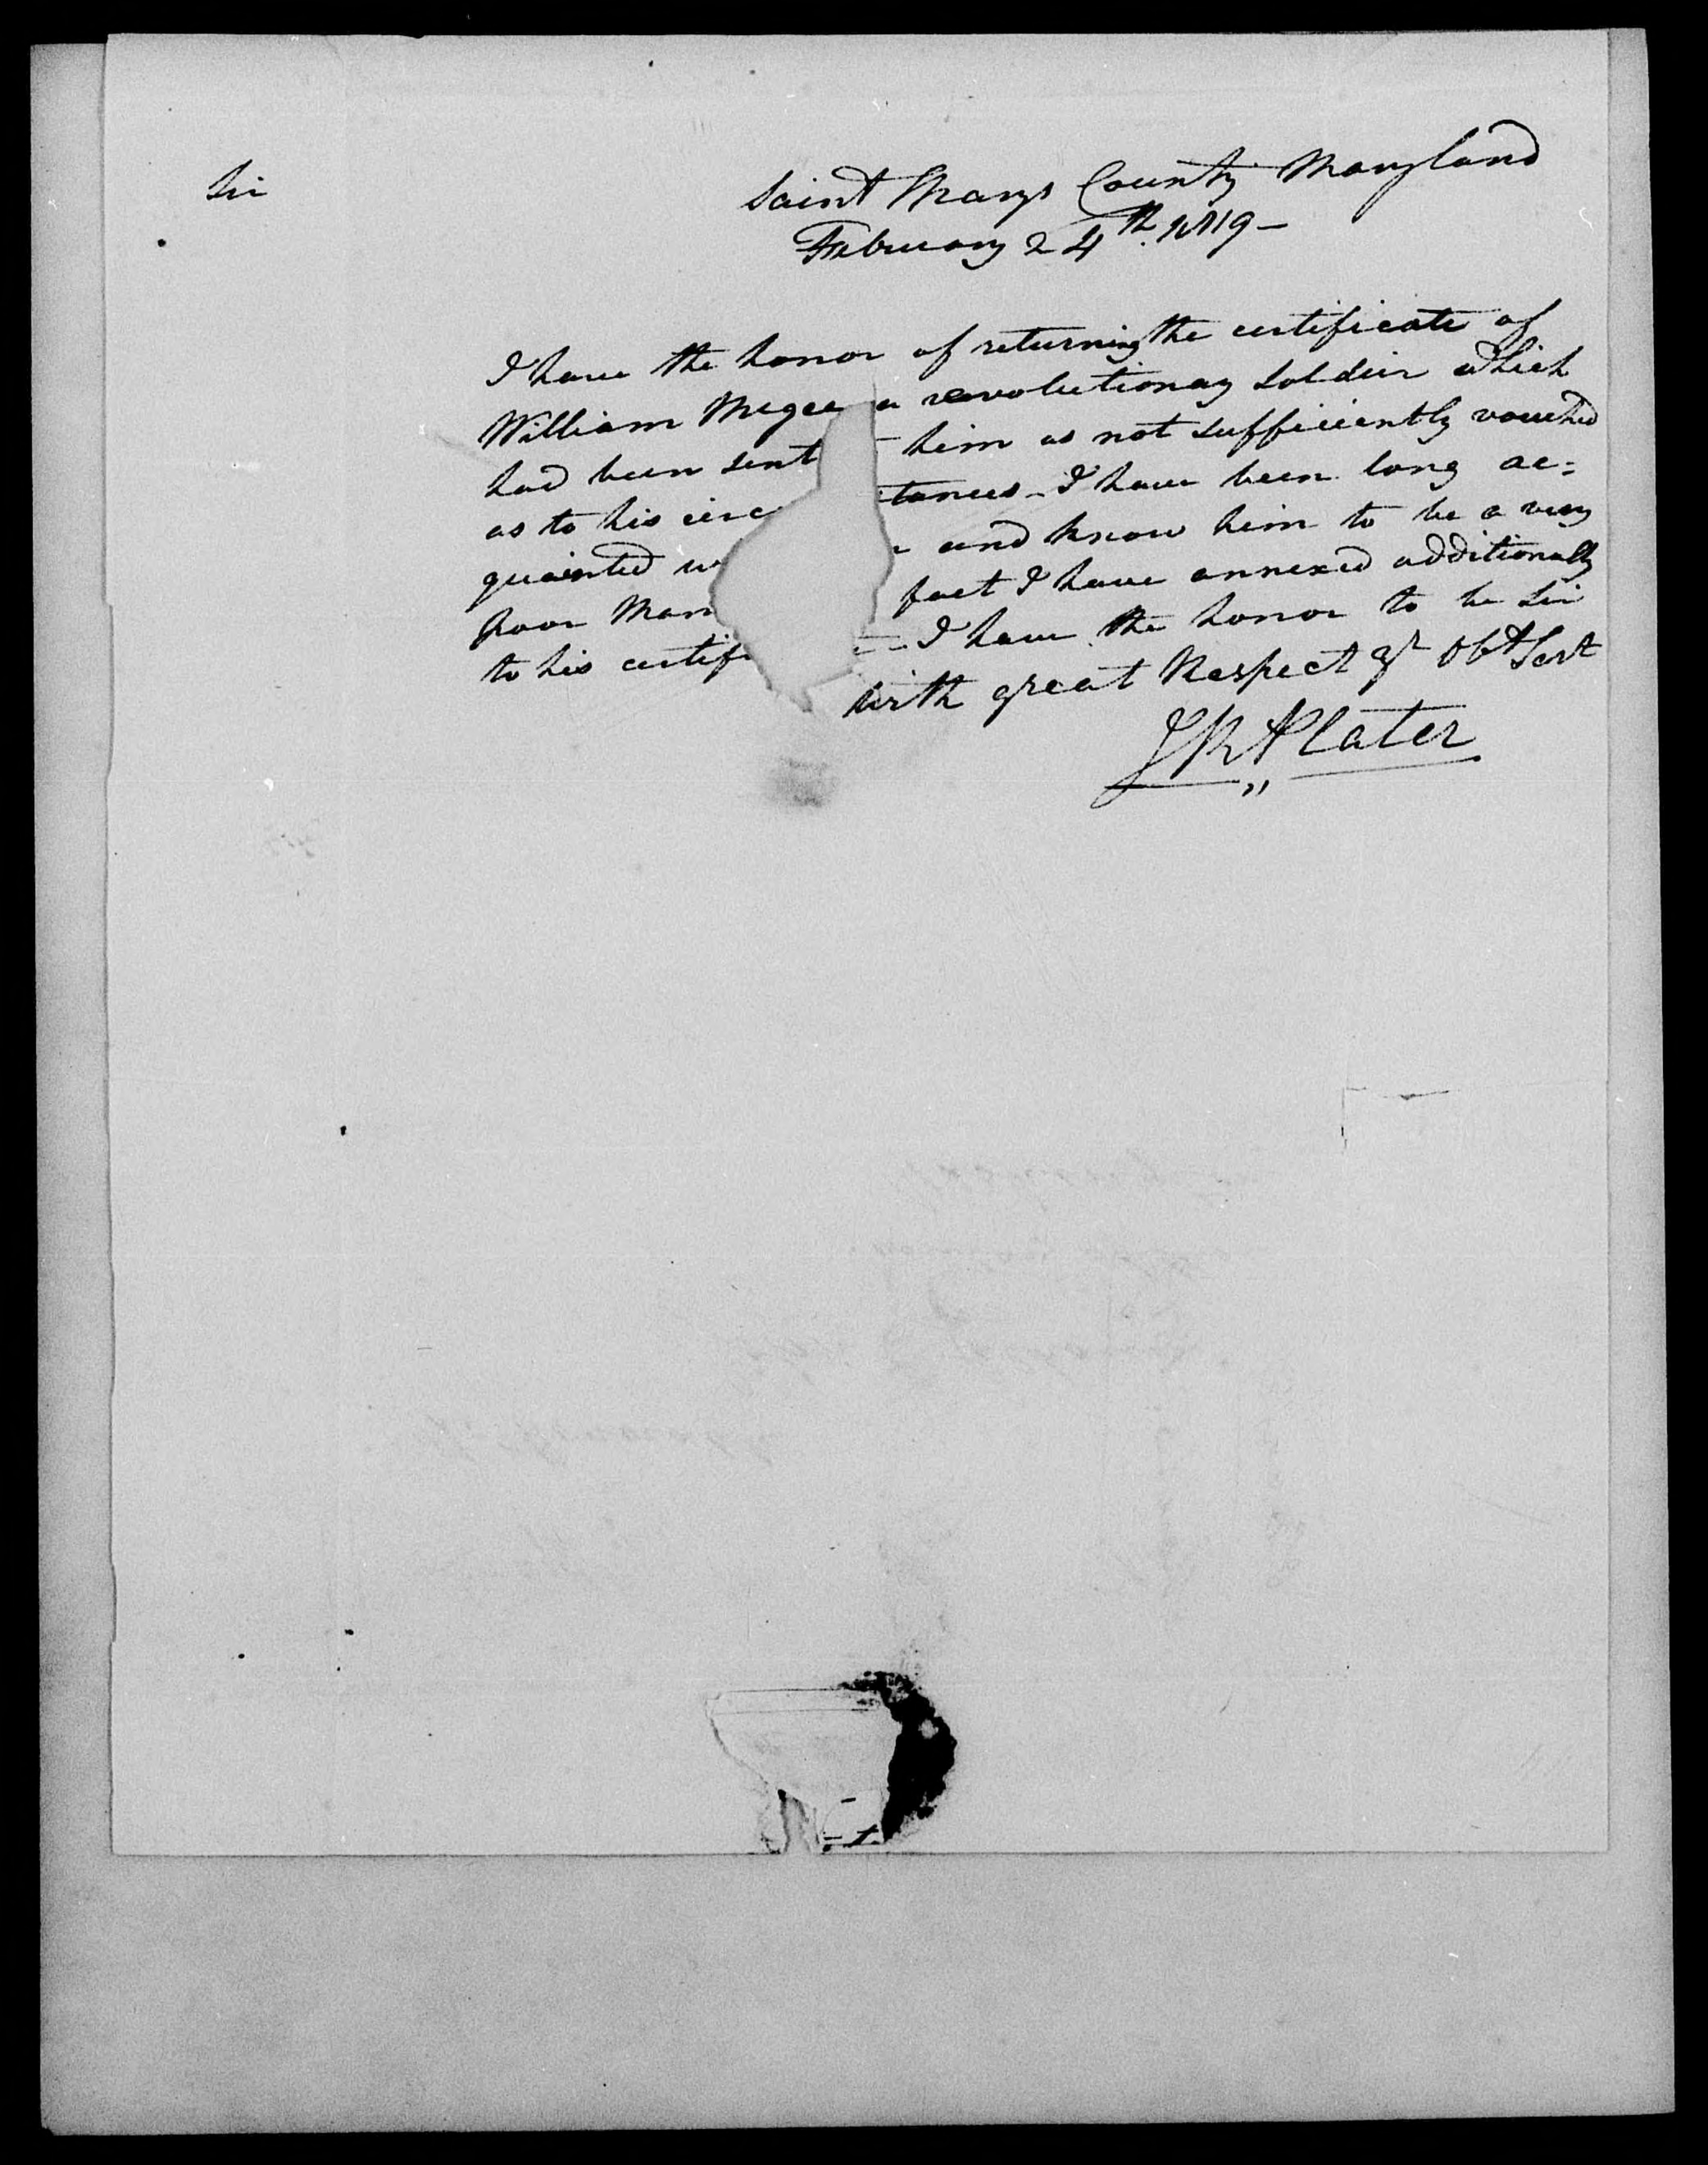Saint Marys County Maryland 
February 24th 1819

Sir 
I have the honor of returning the certificate of William Magee revolutionary soldier which had been sent to him as not sufficiently vouched as to his circumstances - I have been long acquainted with him and know him to be a very poor Man [water blot] fact & I have annexed additionally to his certify [water blot] - I have the honor Sir
with great respect & obt sevt [obedient servant]
J R Plater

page: 17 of 17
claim: survivor's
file: S. 34980, for William Mc Gee, Maryland